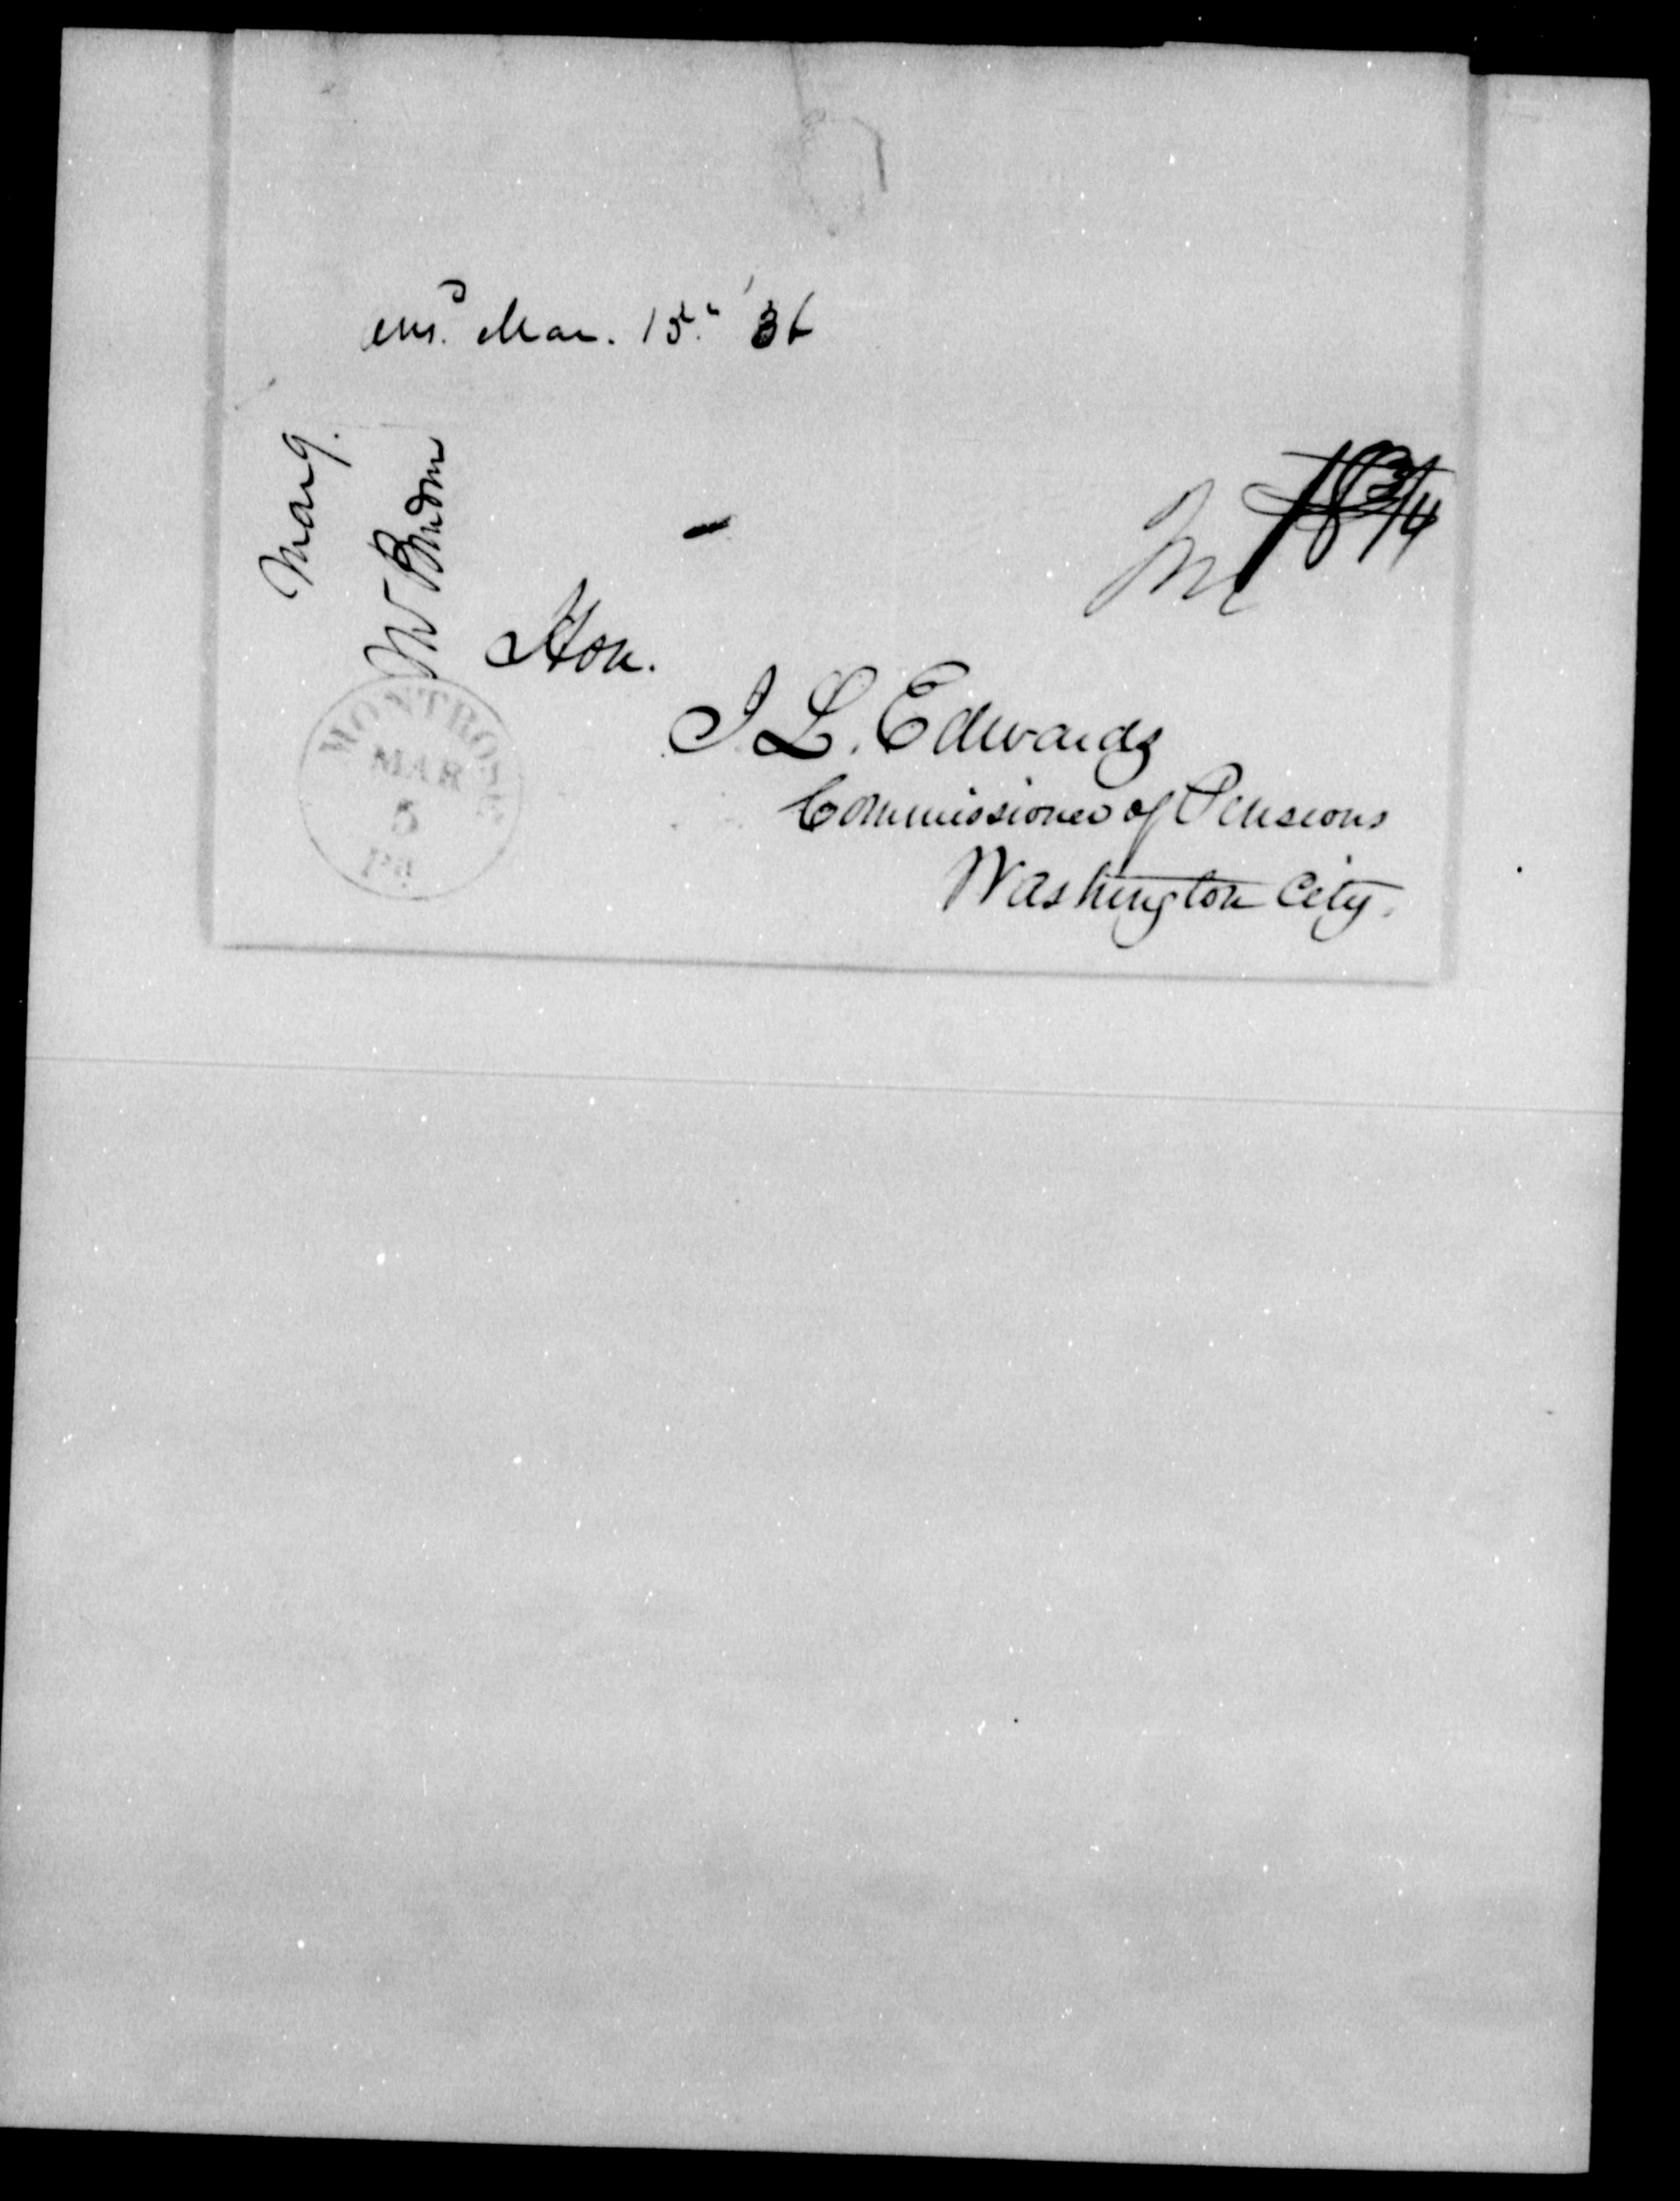Hon. J.L. Edwards
Commissioner of Pensions
Washington City

amd Mar 15 '36

Mar 9 Mr Parsons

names: J L Edwards; [BLANK] Burdine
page: 15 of 20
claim: survivor's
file: S. 41,094, for Simeon Reynolds, Connecticut